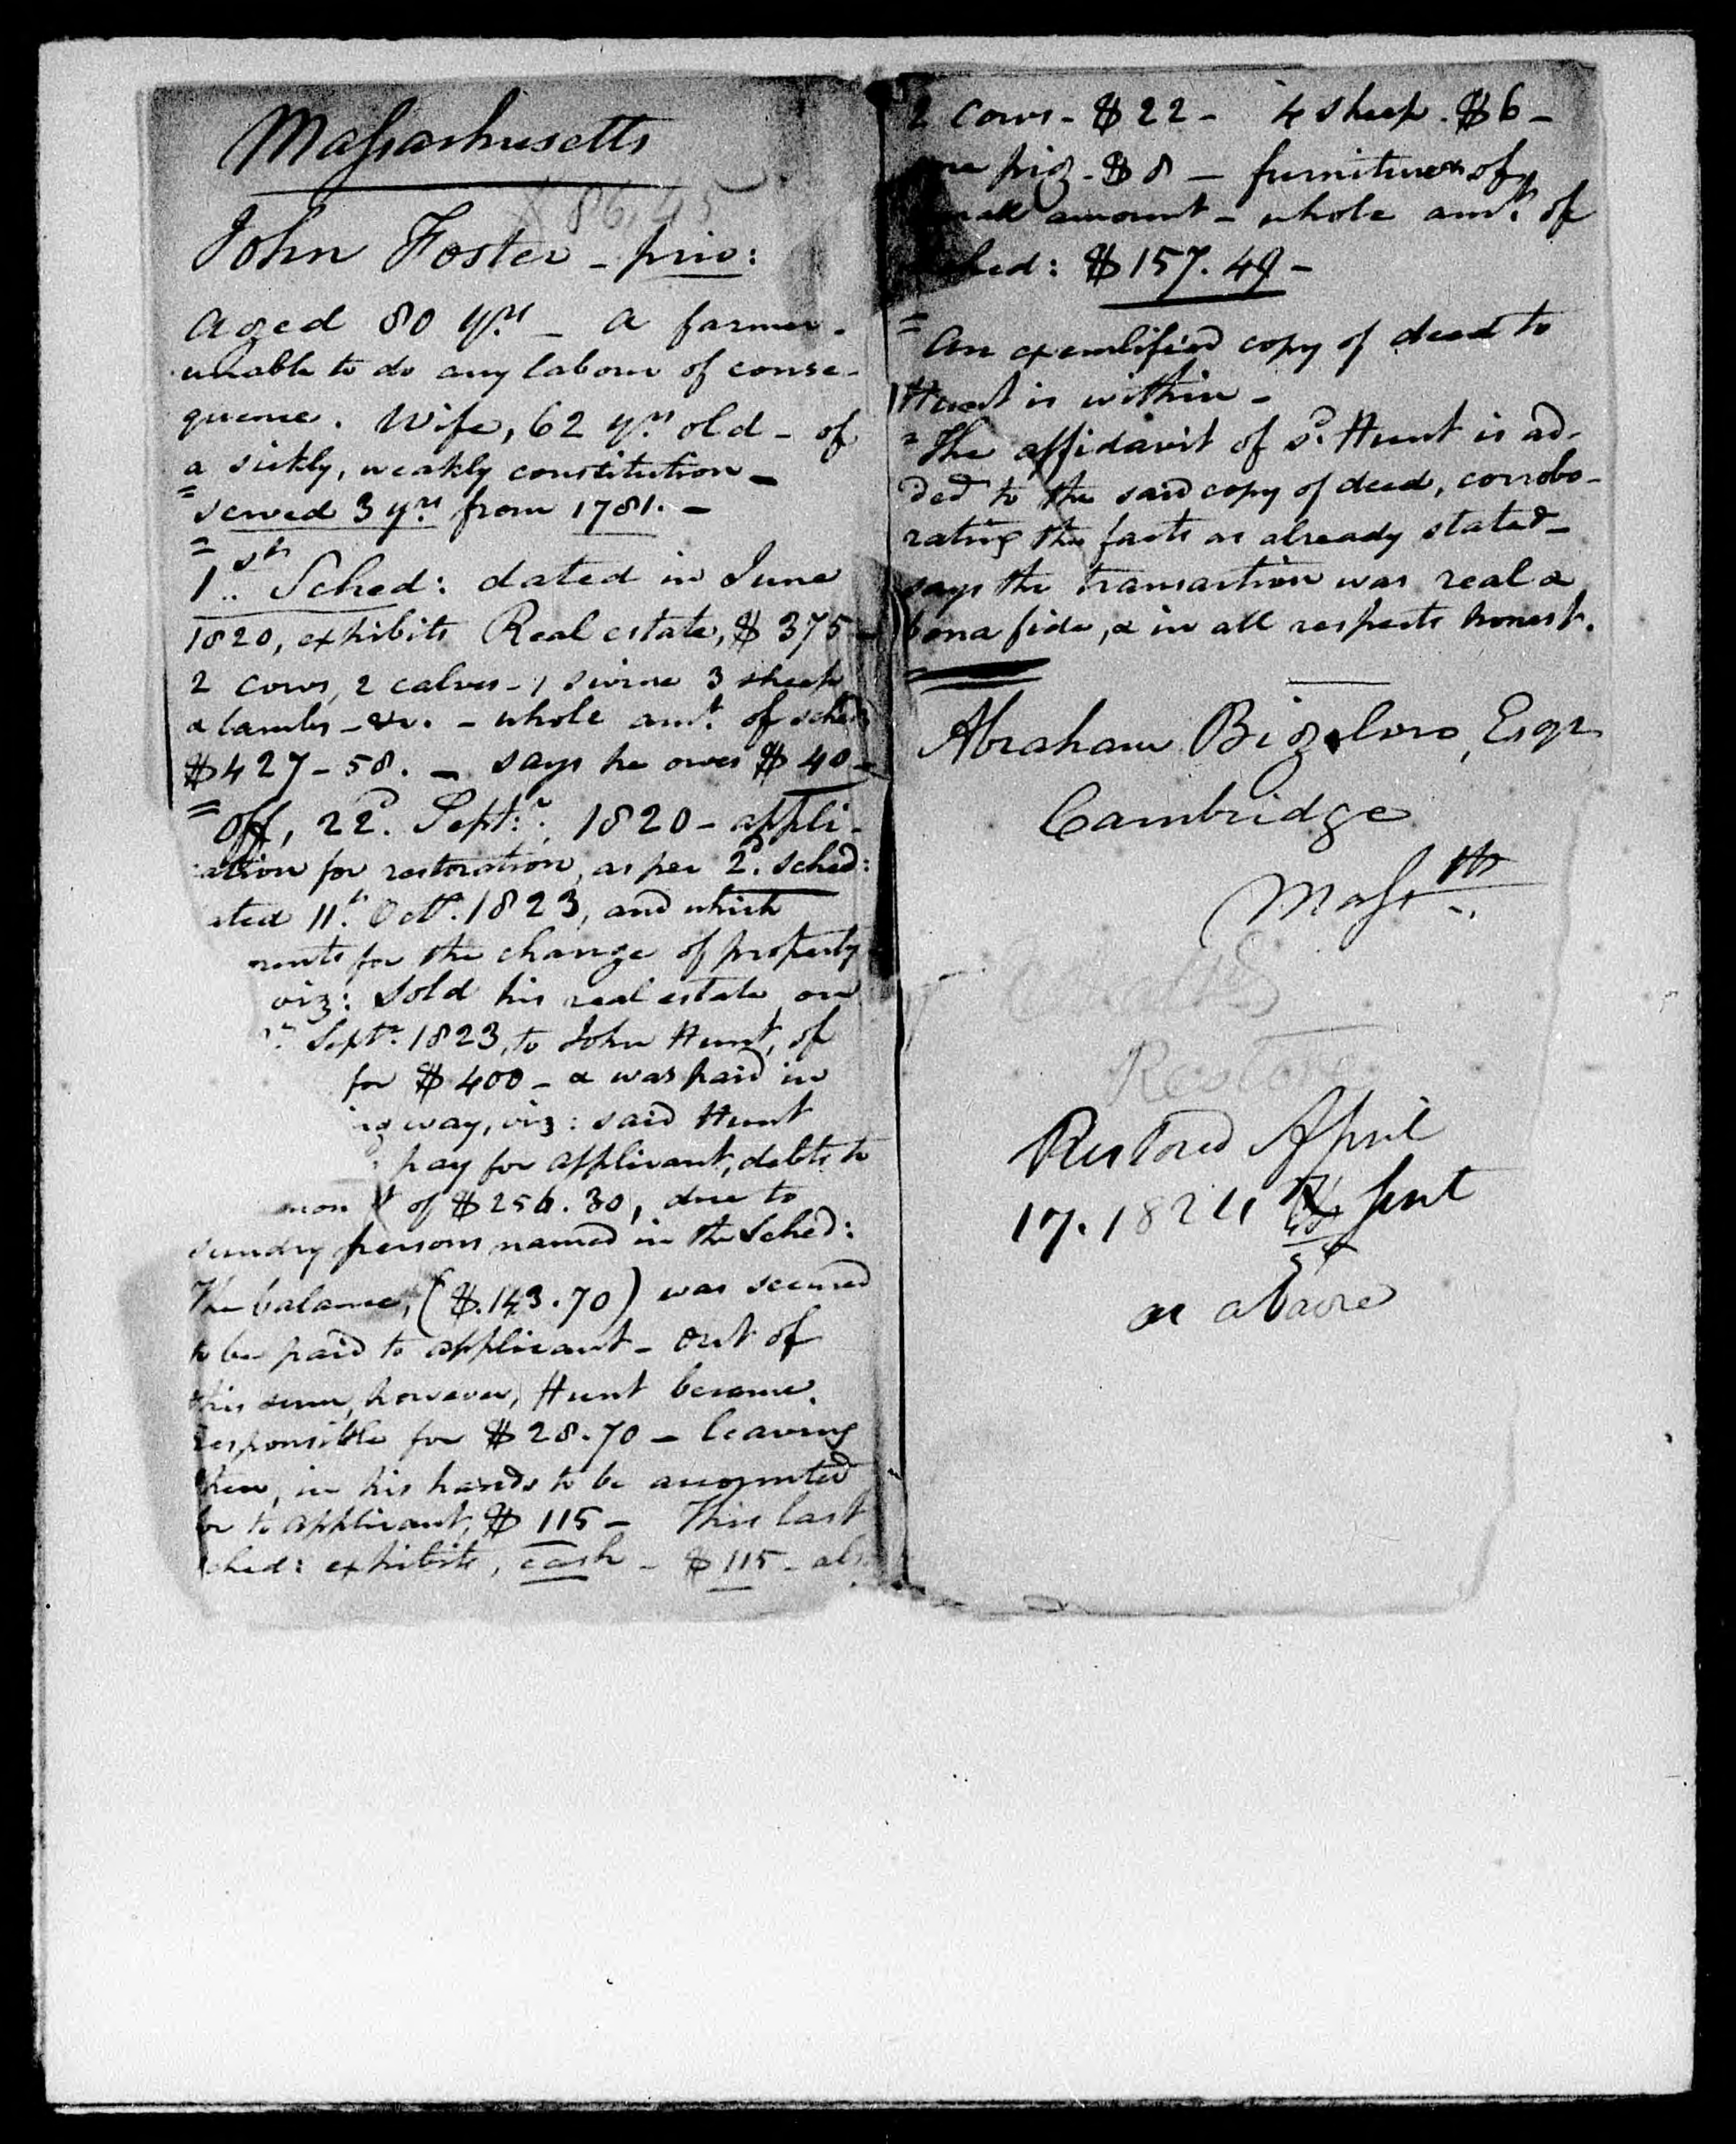Massachusetts
John Foster $86.45 - Priv.
aged 80 yrs.- a farmer unable to do any labour of consequence.  Wife, 62 yrs. old- of a sickly, weakly constitution-
Served 3 yrs from 1781.-
1st Sched:  dated in June 1820, exhibits Real estate, $375- 2 cows, 2 calves- 1 swine 3 sheep & lambs &c.- whole amt. of sched $427.58- says he owes $40 off, 22d Septr 1820- application for restoration, as per 2d sched. dated 11th Oct. 1823, and which * for the change of property * viz:  Sold his real estate on * Septr. 1823, to John Hunt, of * for $400- & was paid in * way, viz:  said Hunt * pay for applicant, debts to * of $256.30, due to sundry persons named in the Sched:
The balance, ($143.70) was secured to be paid to applicant- out of this sum, however, Hunt became responsible for $28.70- leaving *, in his hands to be accounted for to applicant, $115- This last sched:  exhibits, cash- $115- also 2 cows - $22 - 4 sheep - $6 one pig - $8 - furniture of small amount- whole amt. of * $157.49-
An exemlified [exemplified] copy of deed to Hunt is within-
The affidavit of sd. Hunt is added to the said copy of deed, corroborating the facts as already stated- says the transaction was real & bona fide, & in all respects honest.
Abraham Bigelow, Esqr
Cambridge Mass'ts
Restored April 17, 1826
sent as above
*Areas so marked were torn from original text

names: Abraham Bigelow, John Hunt, John Foster, Hunt, Hunt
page: 20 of 47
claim: widow's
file: W. 7,302, John Foster, Continental Mass. R.I.